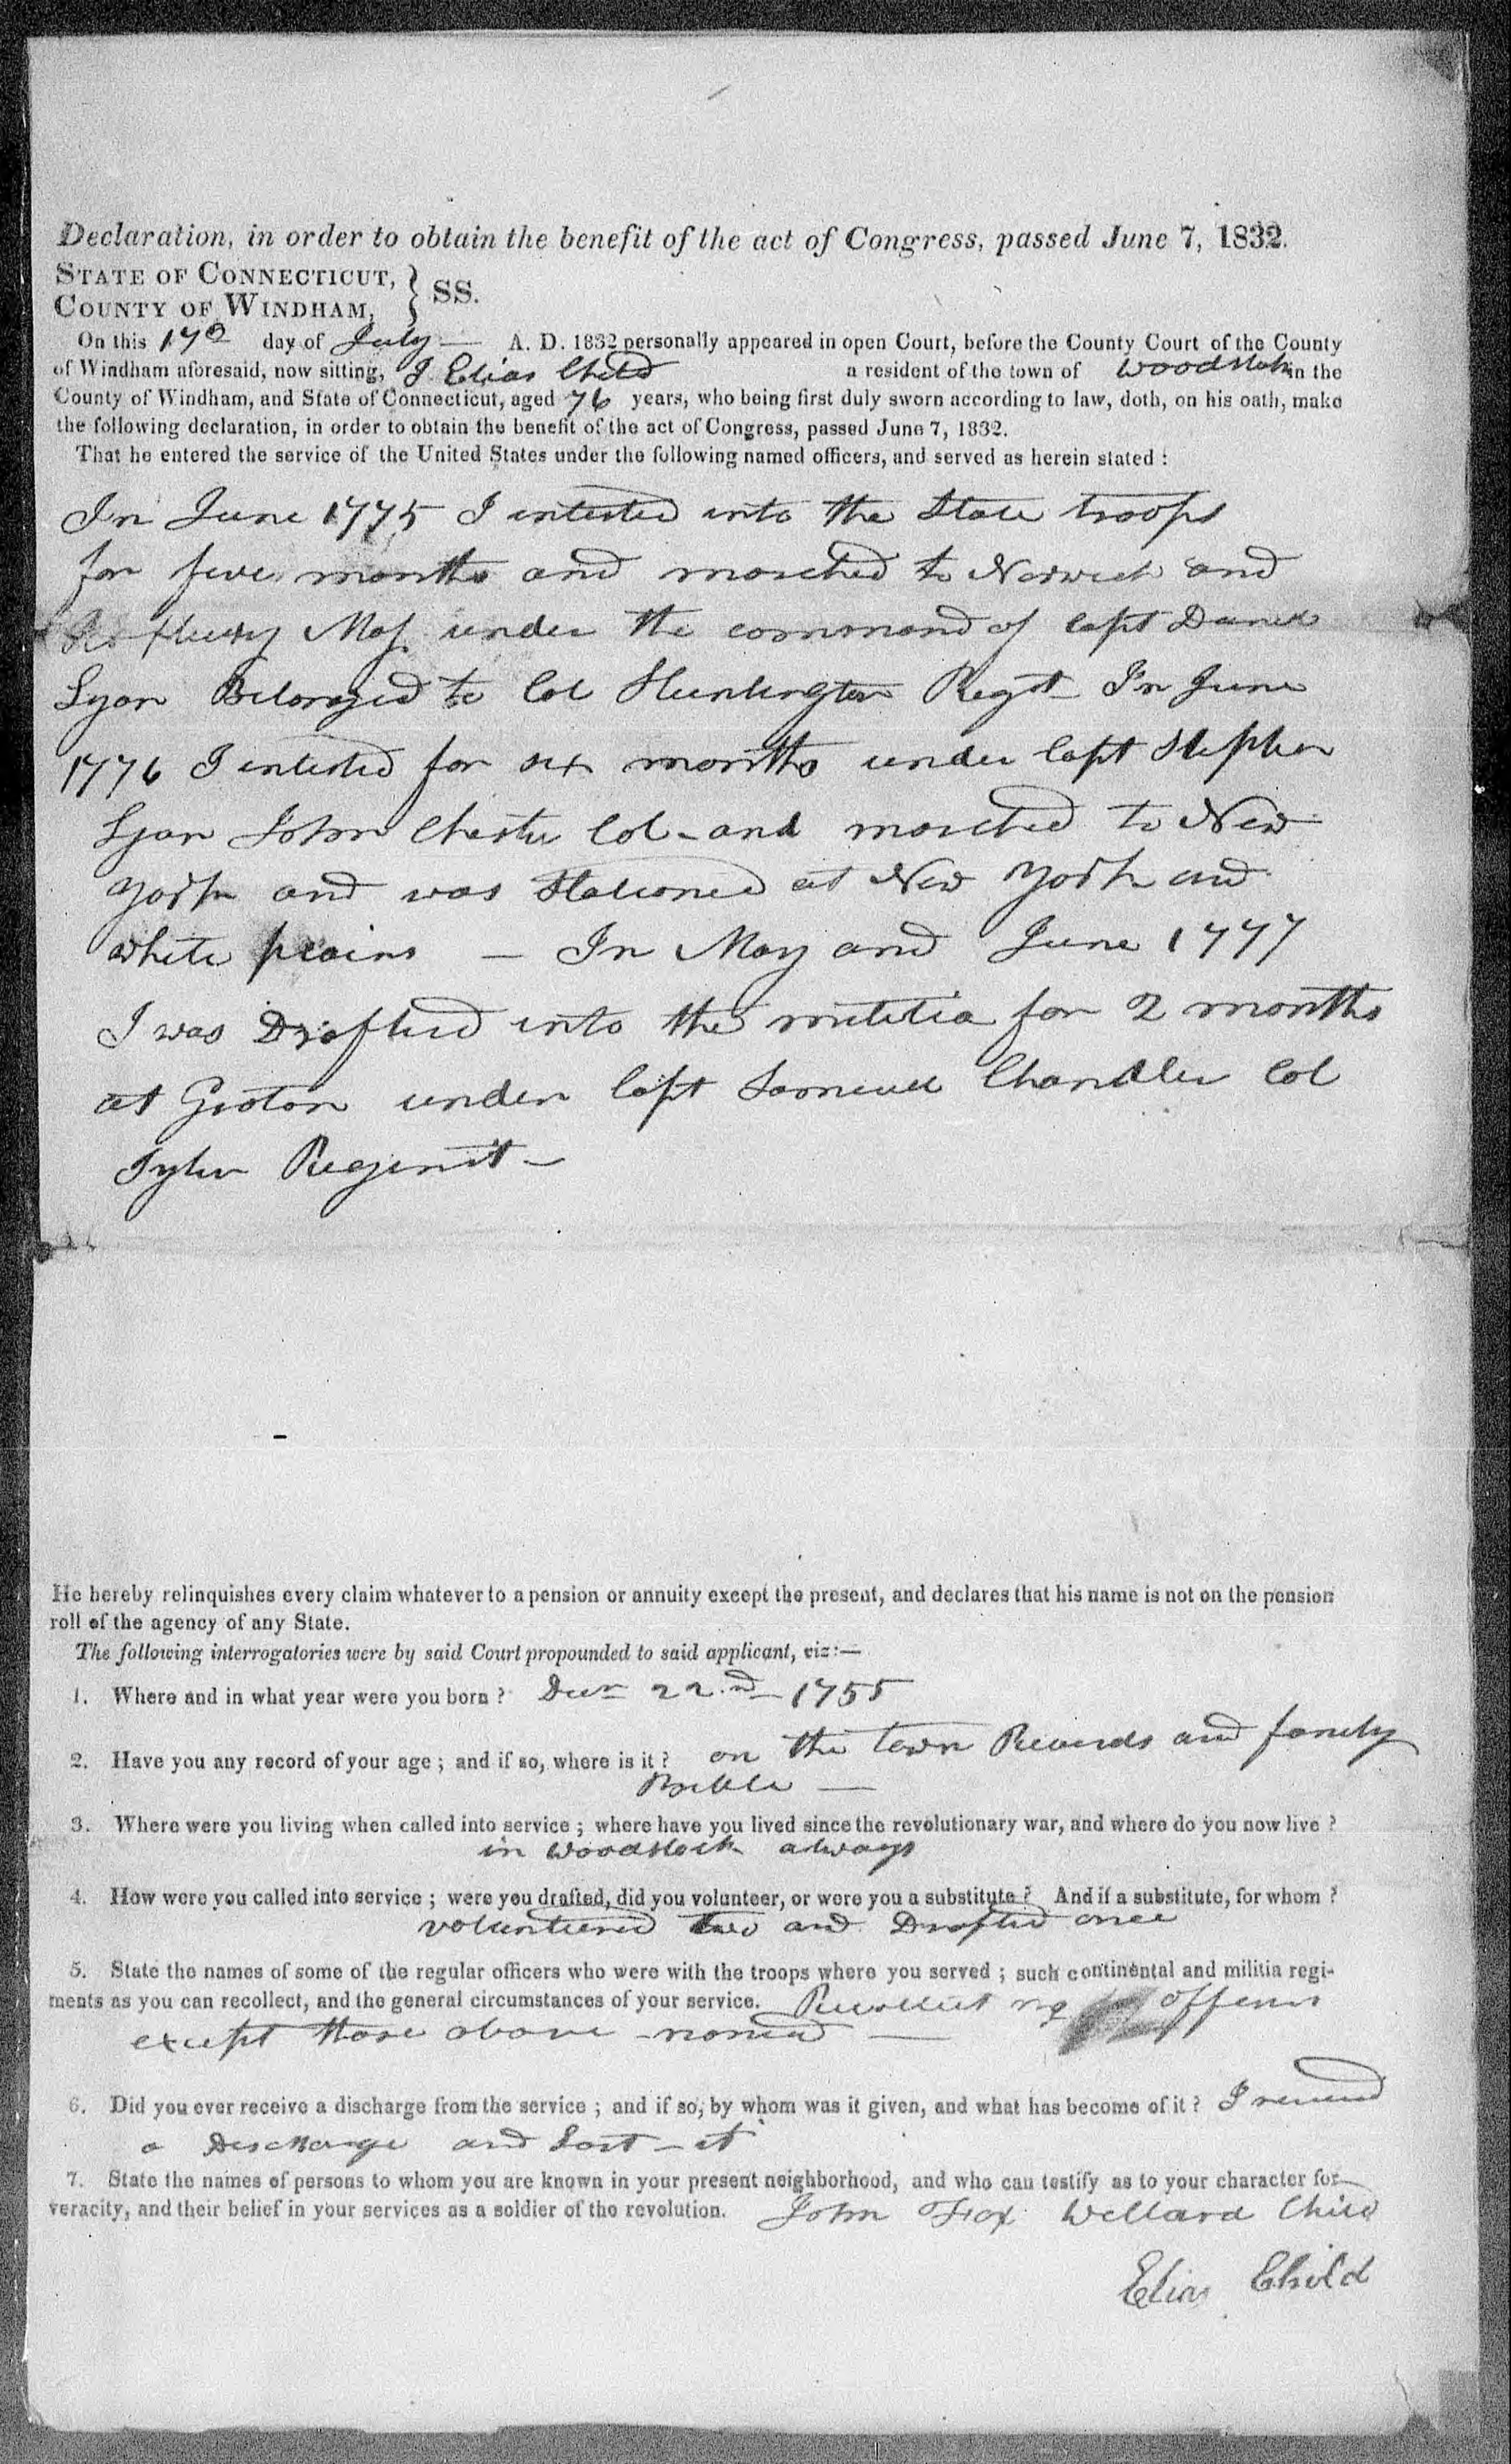Declaration in order to obtain the benefit of the act of Congress passed June 7, 1832. 
State of Connecticut, County of Windham, SS
On this 17th day of July AD 1832 personally appeared in open Court, before the County Court of the County of Windham and State of Connecticut aged 76 years who being first duly sworn according to lay, doth, on his oath, make the following declaration, in order to obtain the benefit of the act of Congress passed June 7, 1832. 
That he entered the service of the United States under the following named officers, and served as herein stated:
In June 1775 I entered into the state troops for five months and marched to Norwich and Roxbury Mass under the command of Capt Daniel Lyon Belonged to Col Huntington Regt.
In June 1776 I entered for 4 months under Capt Stephen Lyon John Christie Col - and marched to New York and was stationed at New York and White Plains - 
In May and June1777 I was drafted into the militia for 2 months at Groton under Capt Samuel Chandler Col Tyler Regiment

He hereby relinquishes every claim whatever to a pension or annuity except the present, and declares that his name is not on the pension roll of the agency of any State.
The following interrogations were by said Court propounded to said applicant, viz: - 
1. Where and in what year were you born? Dec 22nd 1755
2. Have you any record of your age; and if so, where is it? on the town records and family Bible
3. Where were you living when called into service where have you lived since the revolutionary war, and where do you now live? in Woodsloch always
4. How were you called into service; were you drafted, did you volunteer, or were you a substitute? And if a substitute, for whom? Volunteered two and drafted once
5. State the names of some of the regular officers who were with the troops were you served; such continental and militia regiments as you can recollect, and the general circumstances of your service.  Revolutionary officers except those above named
6. Did you ever receive a discharge from the service; and if so, by whom was it given, and what has become of it? I received a discharge and lost it.
7. State the names of persons to whom you are known in your present neighborhood, and who can testify as to your character for veracity, and their belief in your services as a soldier of the revolution.
John Fox 
Willard Child
Elias Child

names: Stephen Lyon, John Fox, John Chester, Elias Child, Willard Child, Samuel Chandler, Daniel Lyon, Elias Child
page: 4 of 34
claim: survivor's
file: S. 31,605, Elias Child, Conn.